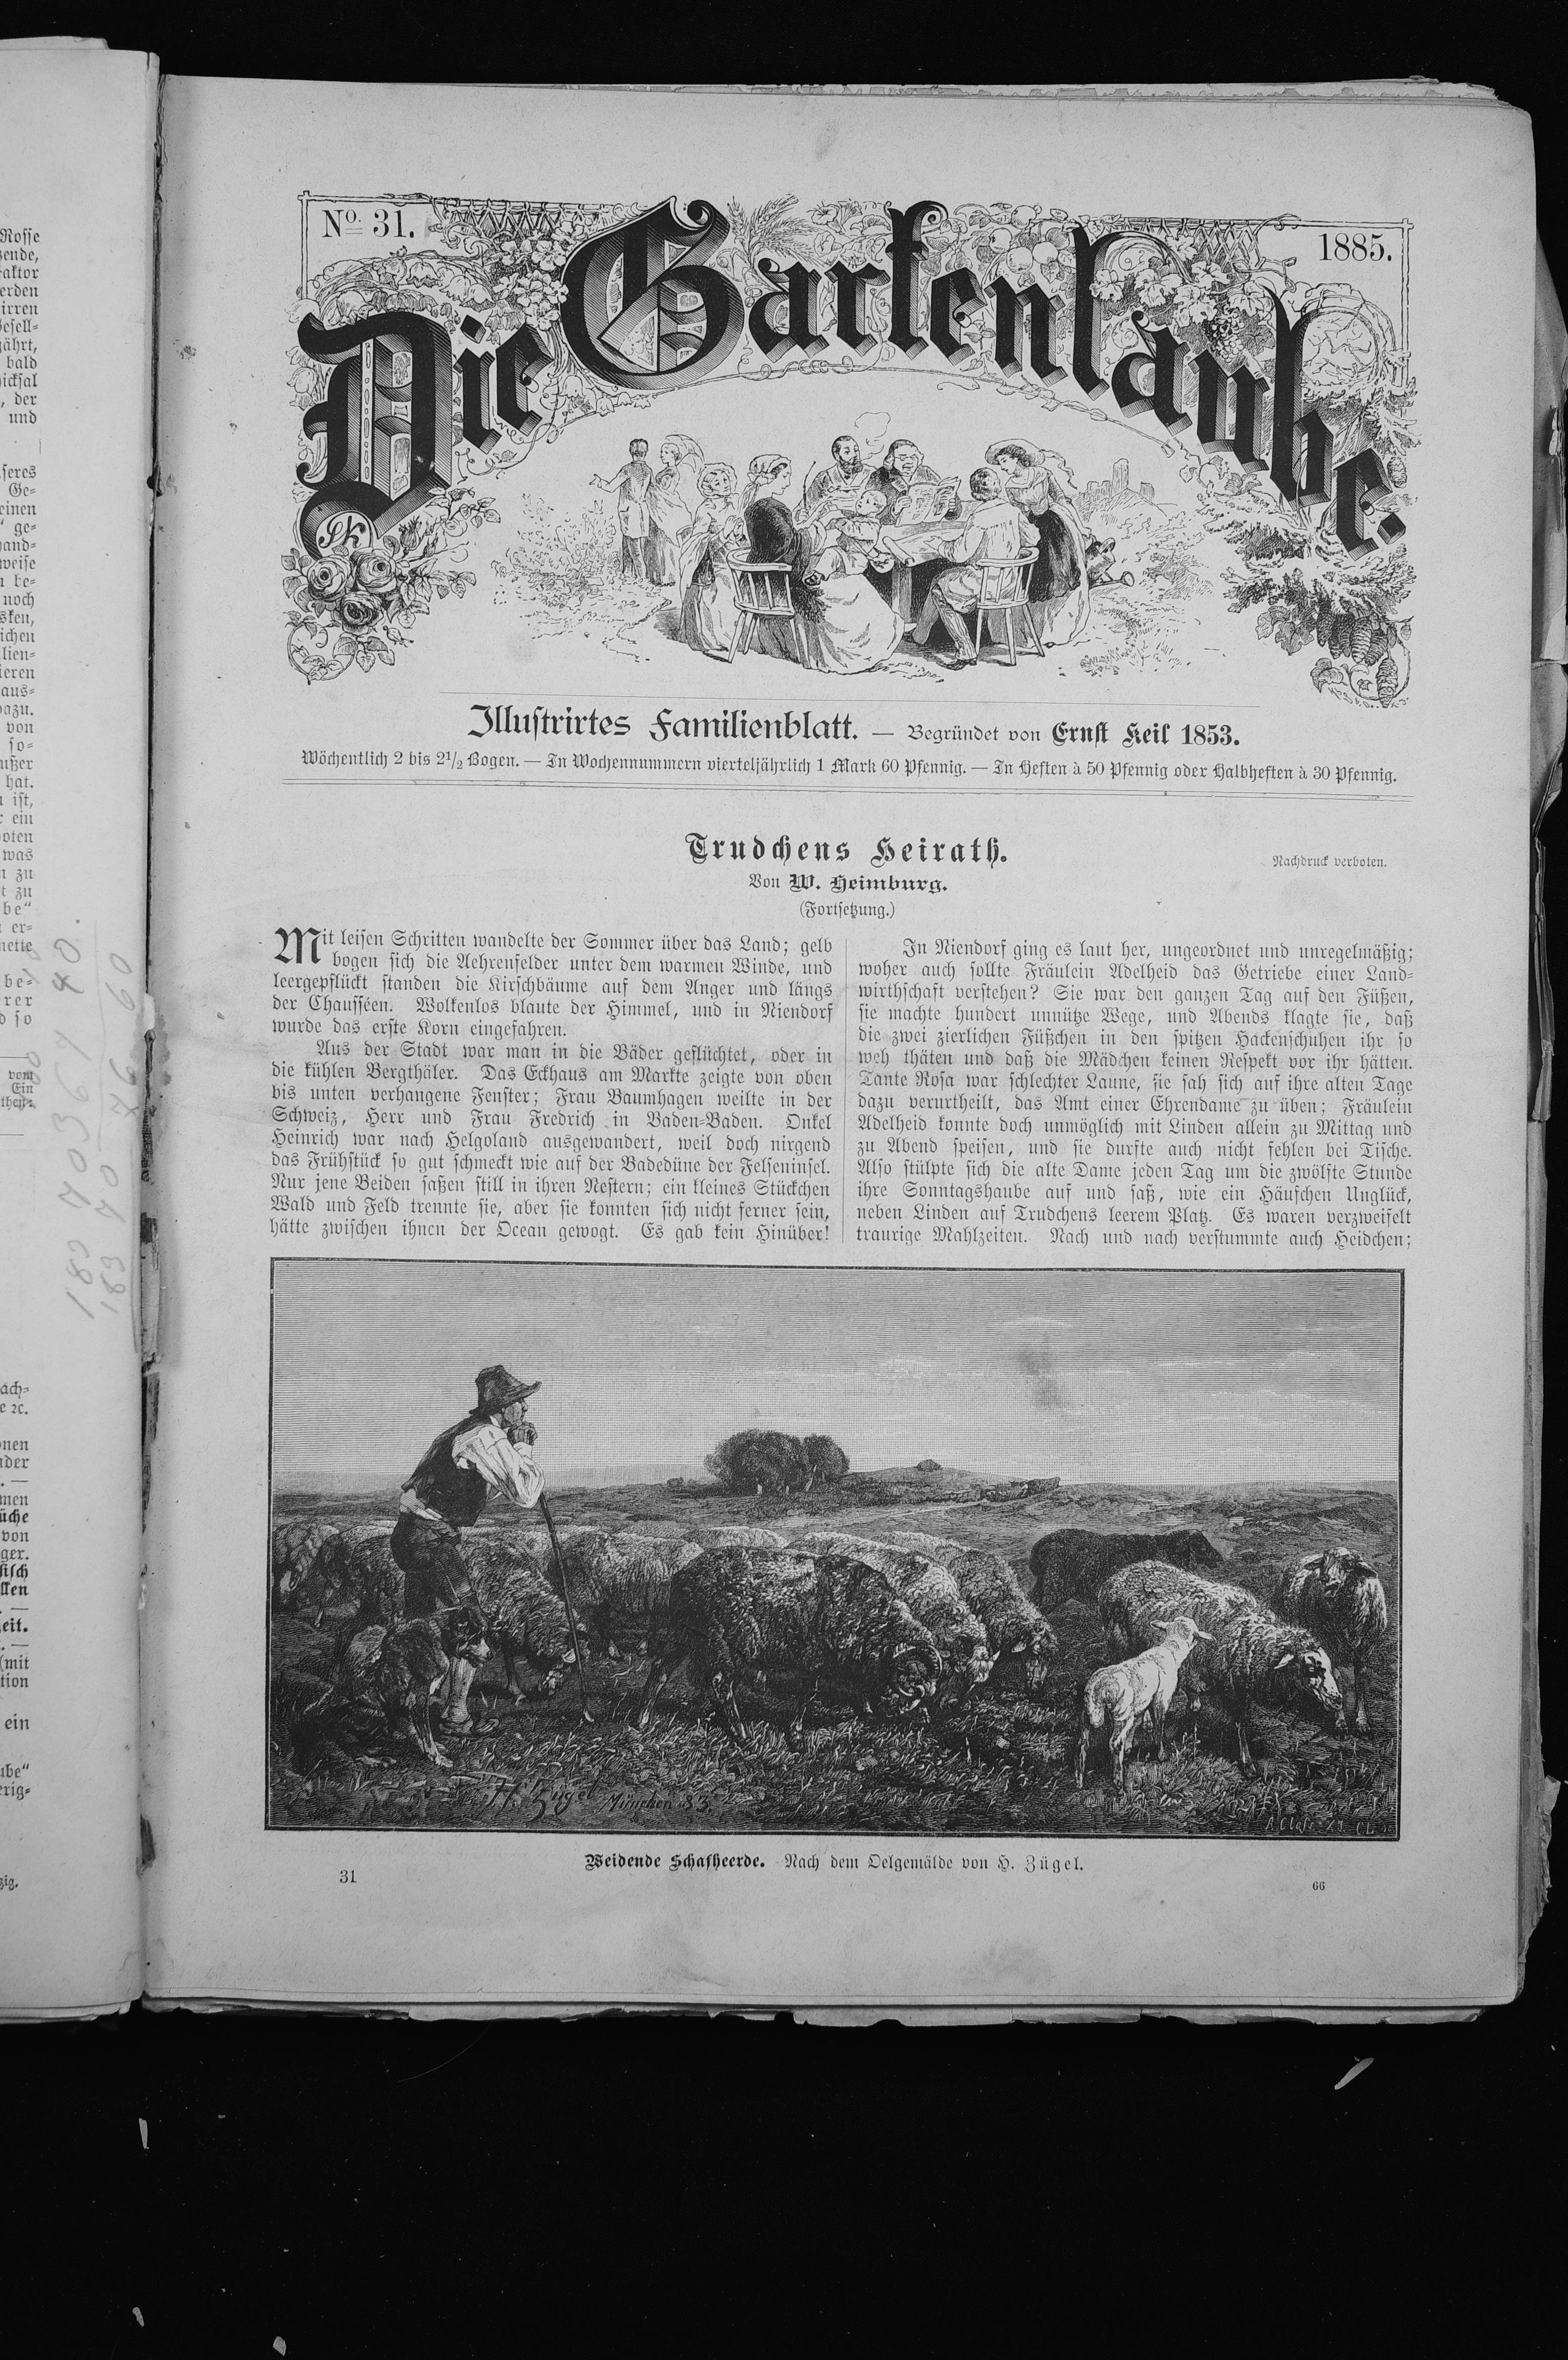No. 31. 1885.
Die Gartenlaube.

Illustrirtes Familienblatt. — Begründet von Ernst Keil 1853.

Wöchentlich 2 bis 2½ Bogen. – In Wochennummern vierteljährlich 1 Mark 60 Pfennig. – In Heften à 50 Pfennig oder Halbheften à 30 Pfennig.

Trudchens Heirath.
Von W. Heimburg.
(Fortsetzung.)

Mit leisen Schritten wandelte der Sommer über das Land; gelb bogen sich die Aehrenfelder unter dem warmen Winde, und leergepflückt standen die Kirschbäume auf dem Anger und längs der Chausseen. Wolkenlos blaute der Himmel, und in Niendorf wurde das erste Korn eingefahren.

Aus der Stadt war man in die Bäder geflüchtet, oder in die kühlen Bergthäler. Das Eckhaus am Markte zeigte von oben bis unten verhangene Fenster; Frau Baumhagen weilte in der Schweiz, Herr und Frau Fredrich in Baden-Baden. Onkel Heinrich war nach Helgoland ausgewandert, weil doch nirgend das Frühstück so gut schmeckt wie auf der Badedüne der Felseninsel. Nur jene Beiden saßen still in ihren Nestern; ein kleines Stückchen Wald und Feld trennte sie, aber sie konnten sich nicht ferner sein, hätte zwischen ihnen der Ocean gewogt. Es gab kein Hinüber!

In Niendorf ging es laut her, ungeordnet und unregelmäßig; woher auch sollte Fräulein Adelheid das Getriebe einer Landwirthschaft verstehen? Sie war den ganzen Tag auf den Füßen, sie machte hundert unnütze Wege, und Abends klagte sie, daß die zwei zierlichen Füßchen in den spitzen Hackenschuhen ihr so weh thäten und daß die Mädchen keinen Respekt vor ihr hätten. Tante Rosa war schlechter Laune, sie sah sich auf ihre alten Tage dazu verurtheilt, das Amt einer Ehrendame zu üben; Fräulein Adelheid konnte doch unmöglich mit Linden allein zu Mittag und zu Abend speisen, und sie durfte auch nicht fehlen bei Tische. Also stülpte sich die alte Dame jeden Tag um die zwölfte Stunde ihre Sonntagshaube auf und saß, wie ein Häufchen Unglück, neben Linden auf Trudchens leerem Platz. Es waren verzweifelt traurige Mahlzeiten. Nach und nach verstummte auch Heidchen;

Weidende Schafheerde. Nach dem Oelgemälde von H. Zügel.
